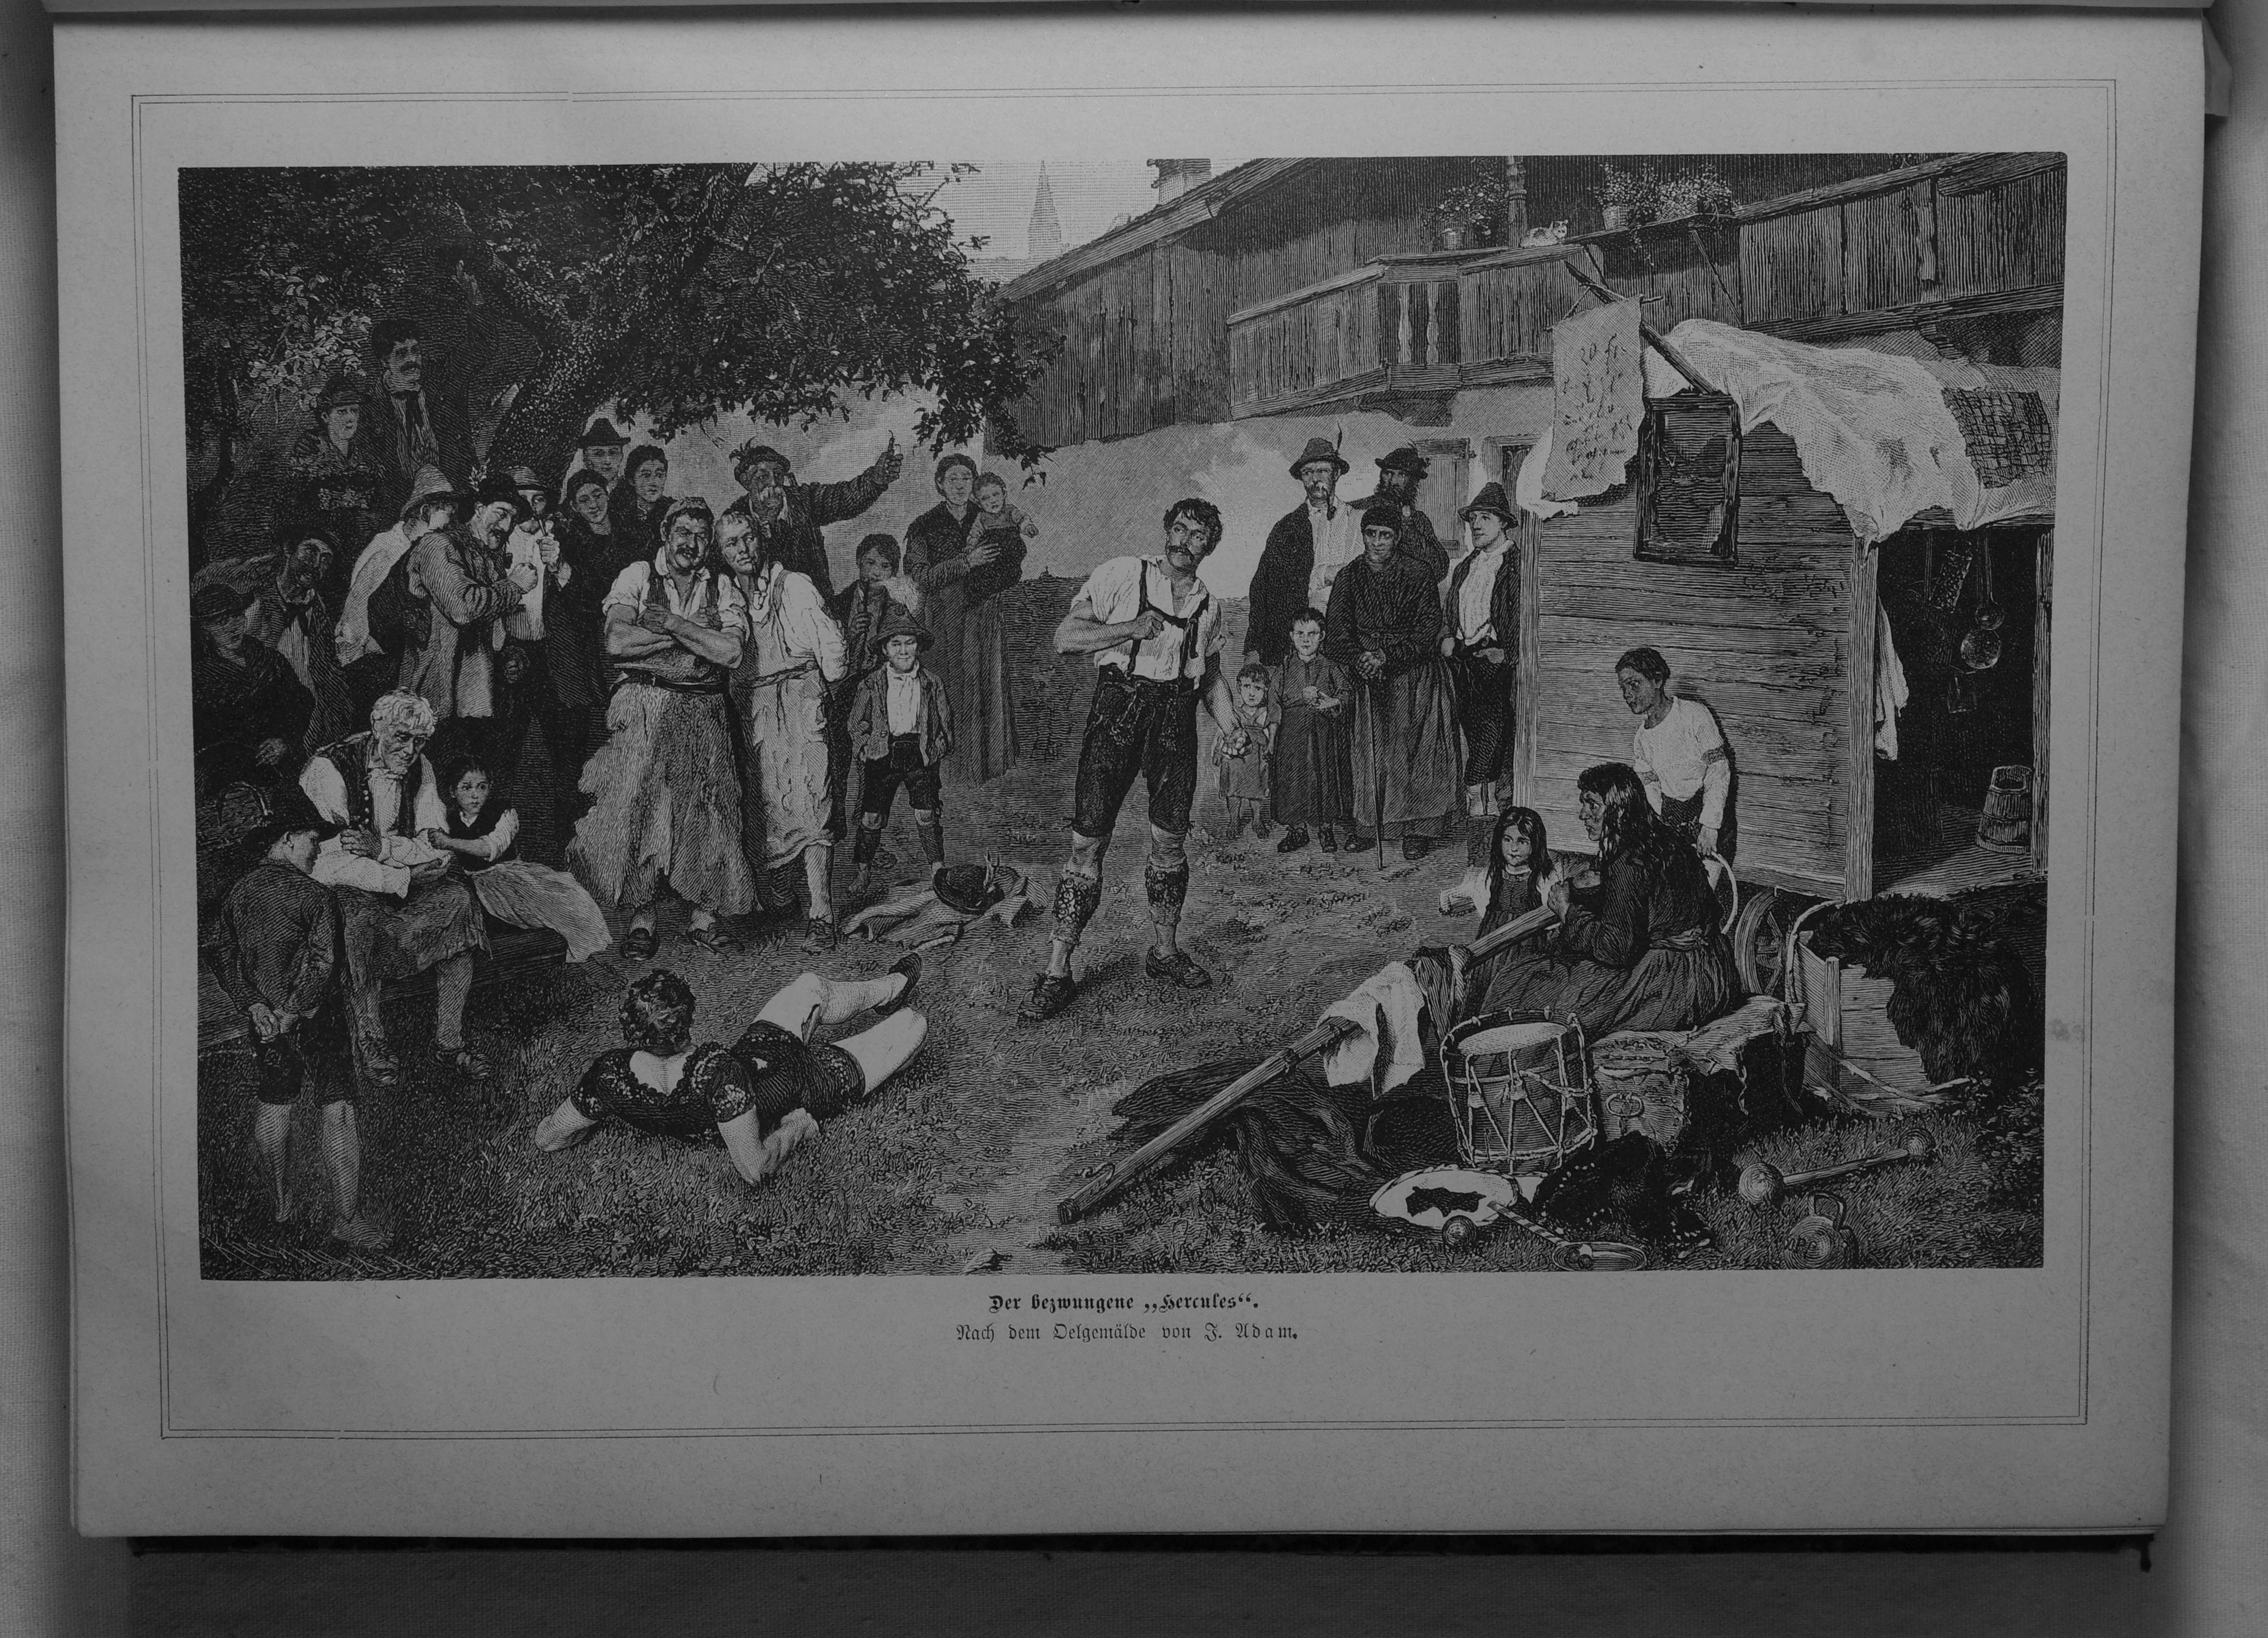Der bezwungene „Hercules“.
Nach dem Oelgemälde von J. Adam.
